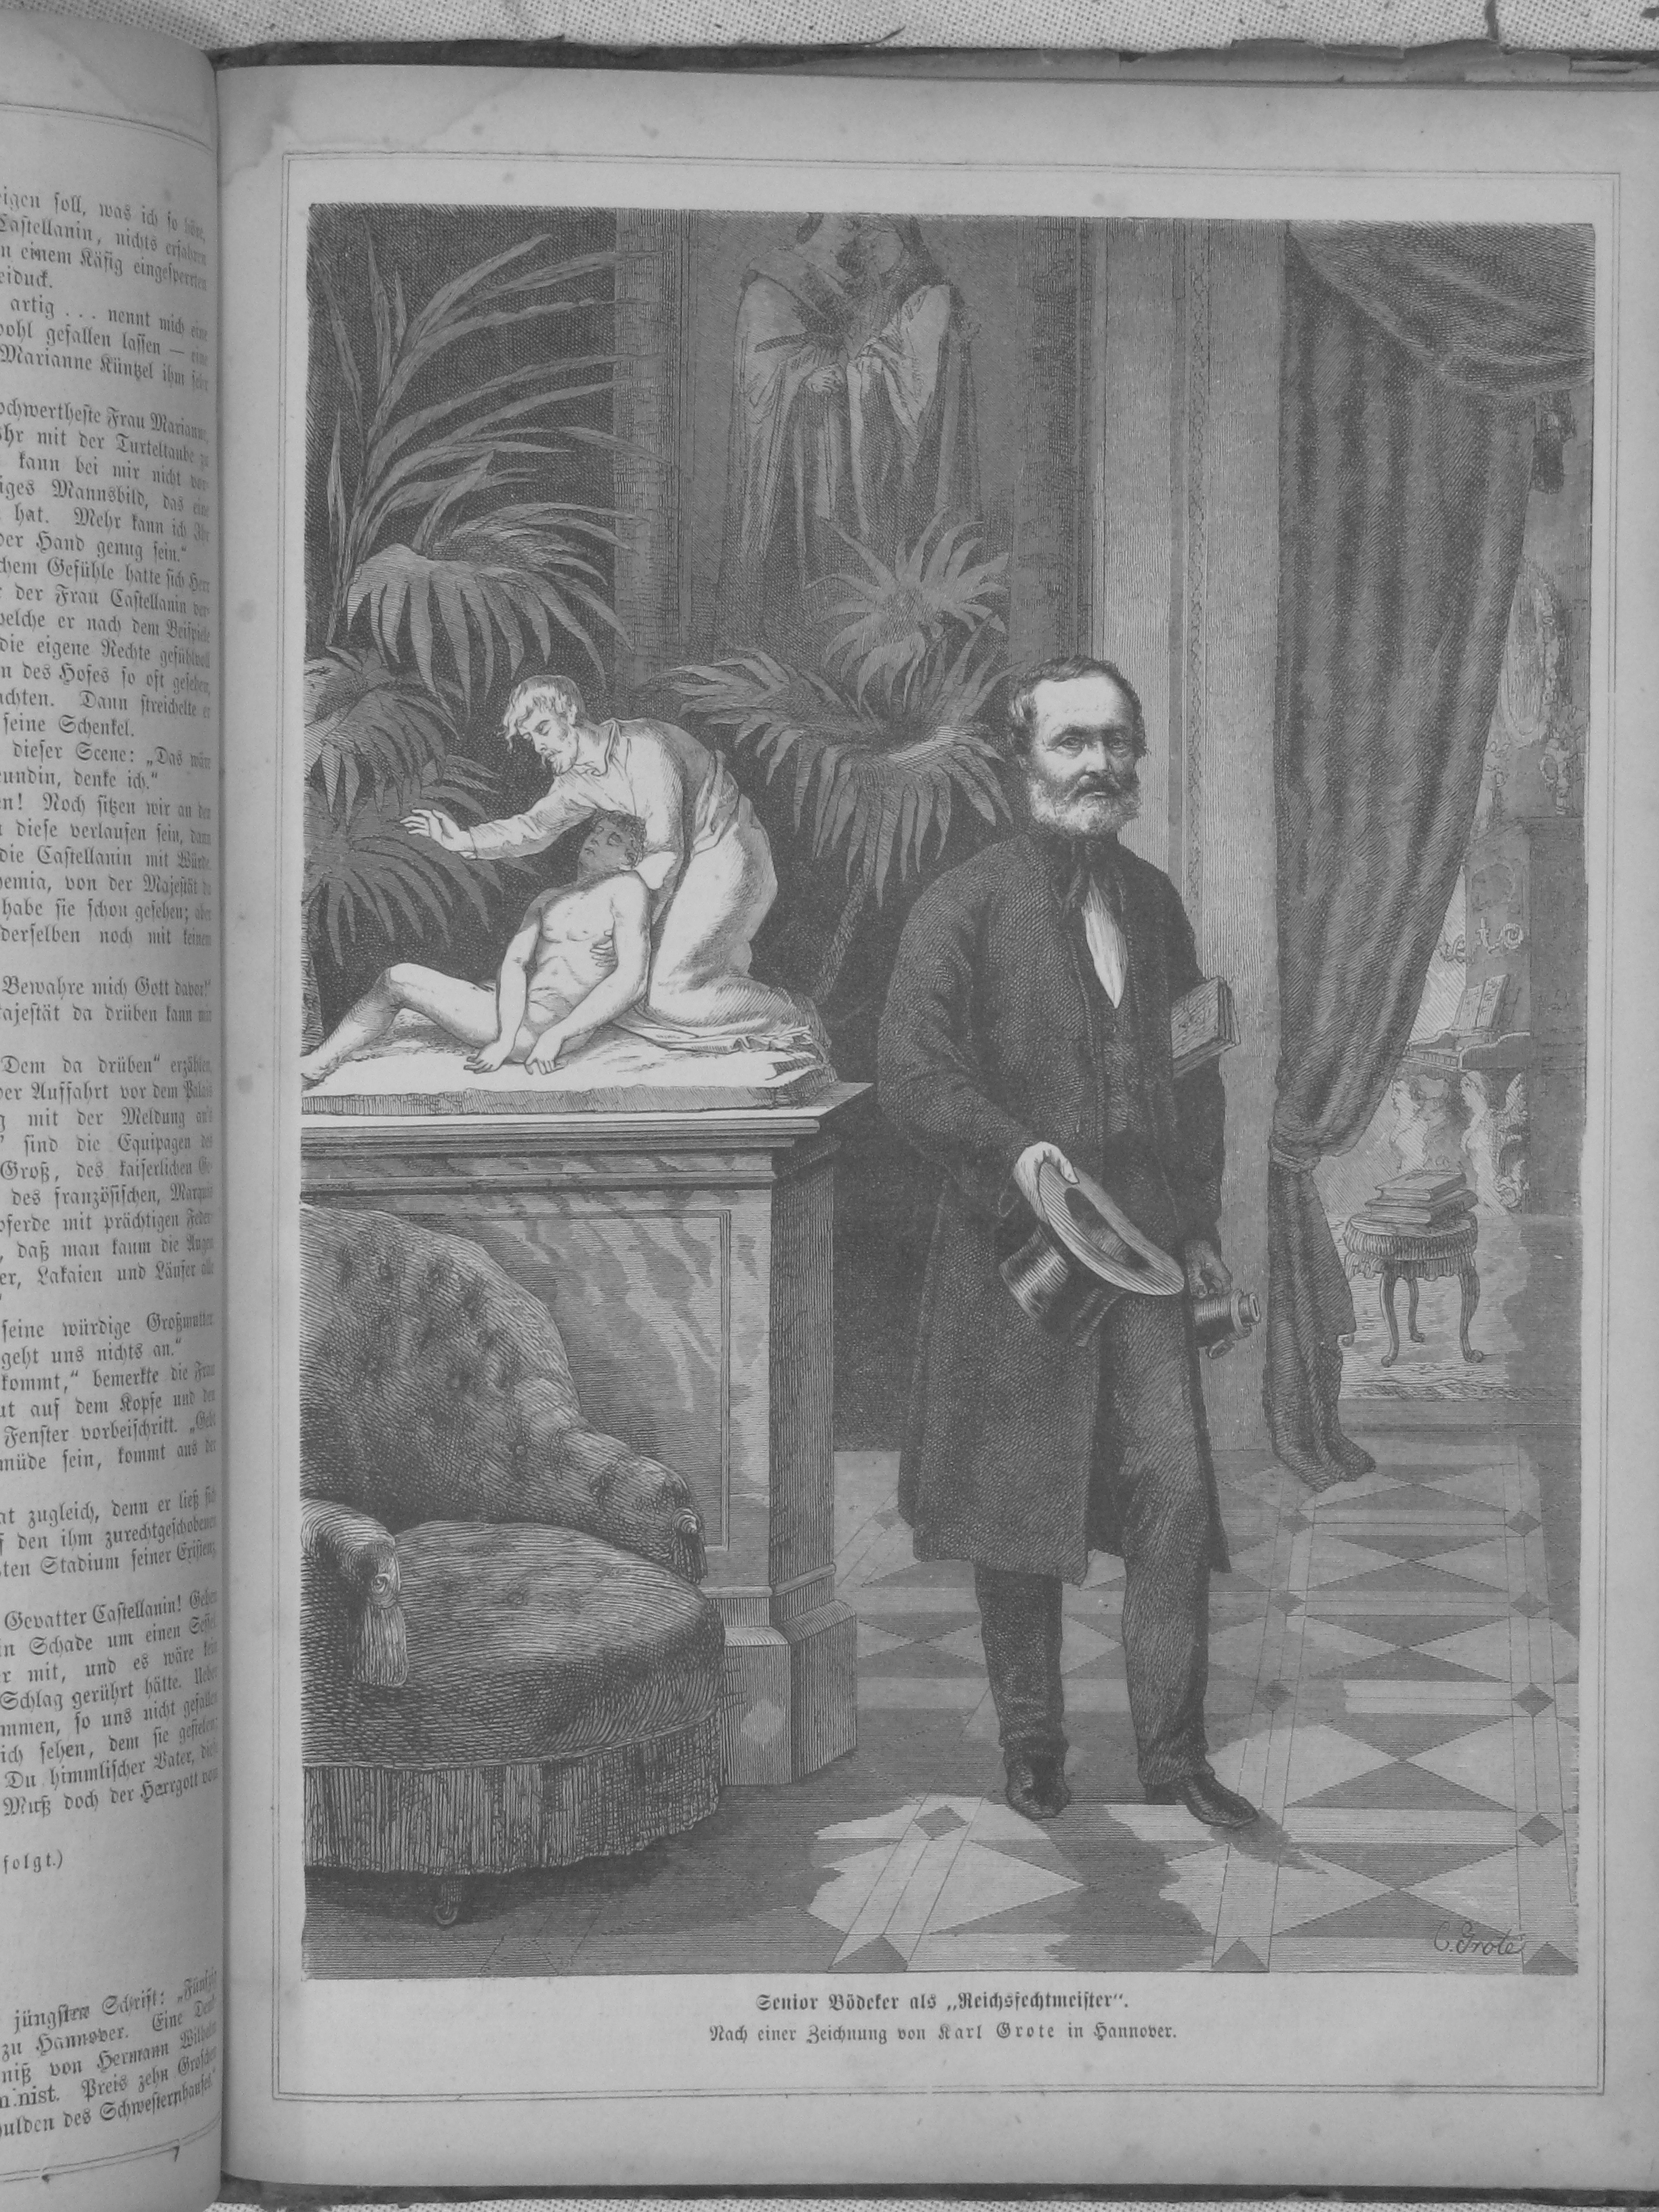Senior Bödeker als „Reichsfechtmeister“.
Nach einer Zeichnung von Karl Grote in Hannover.
